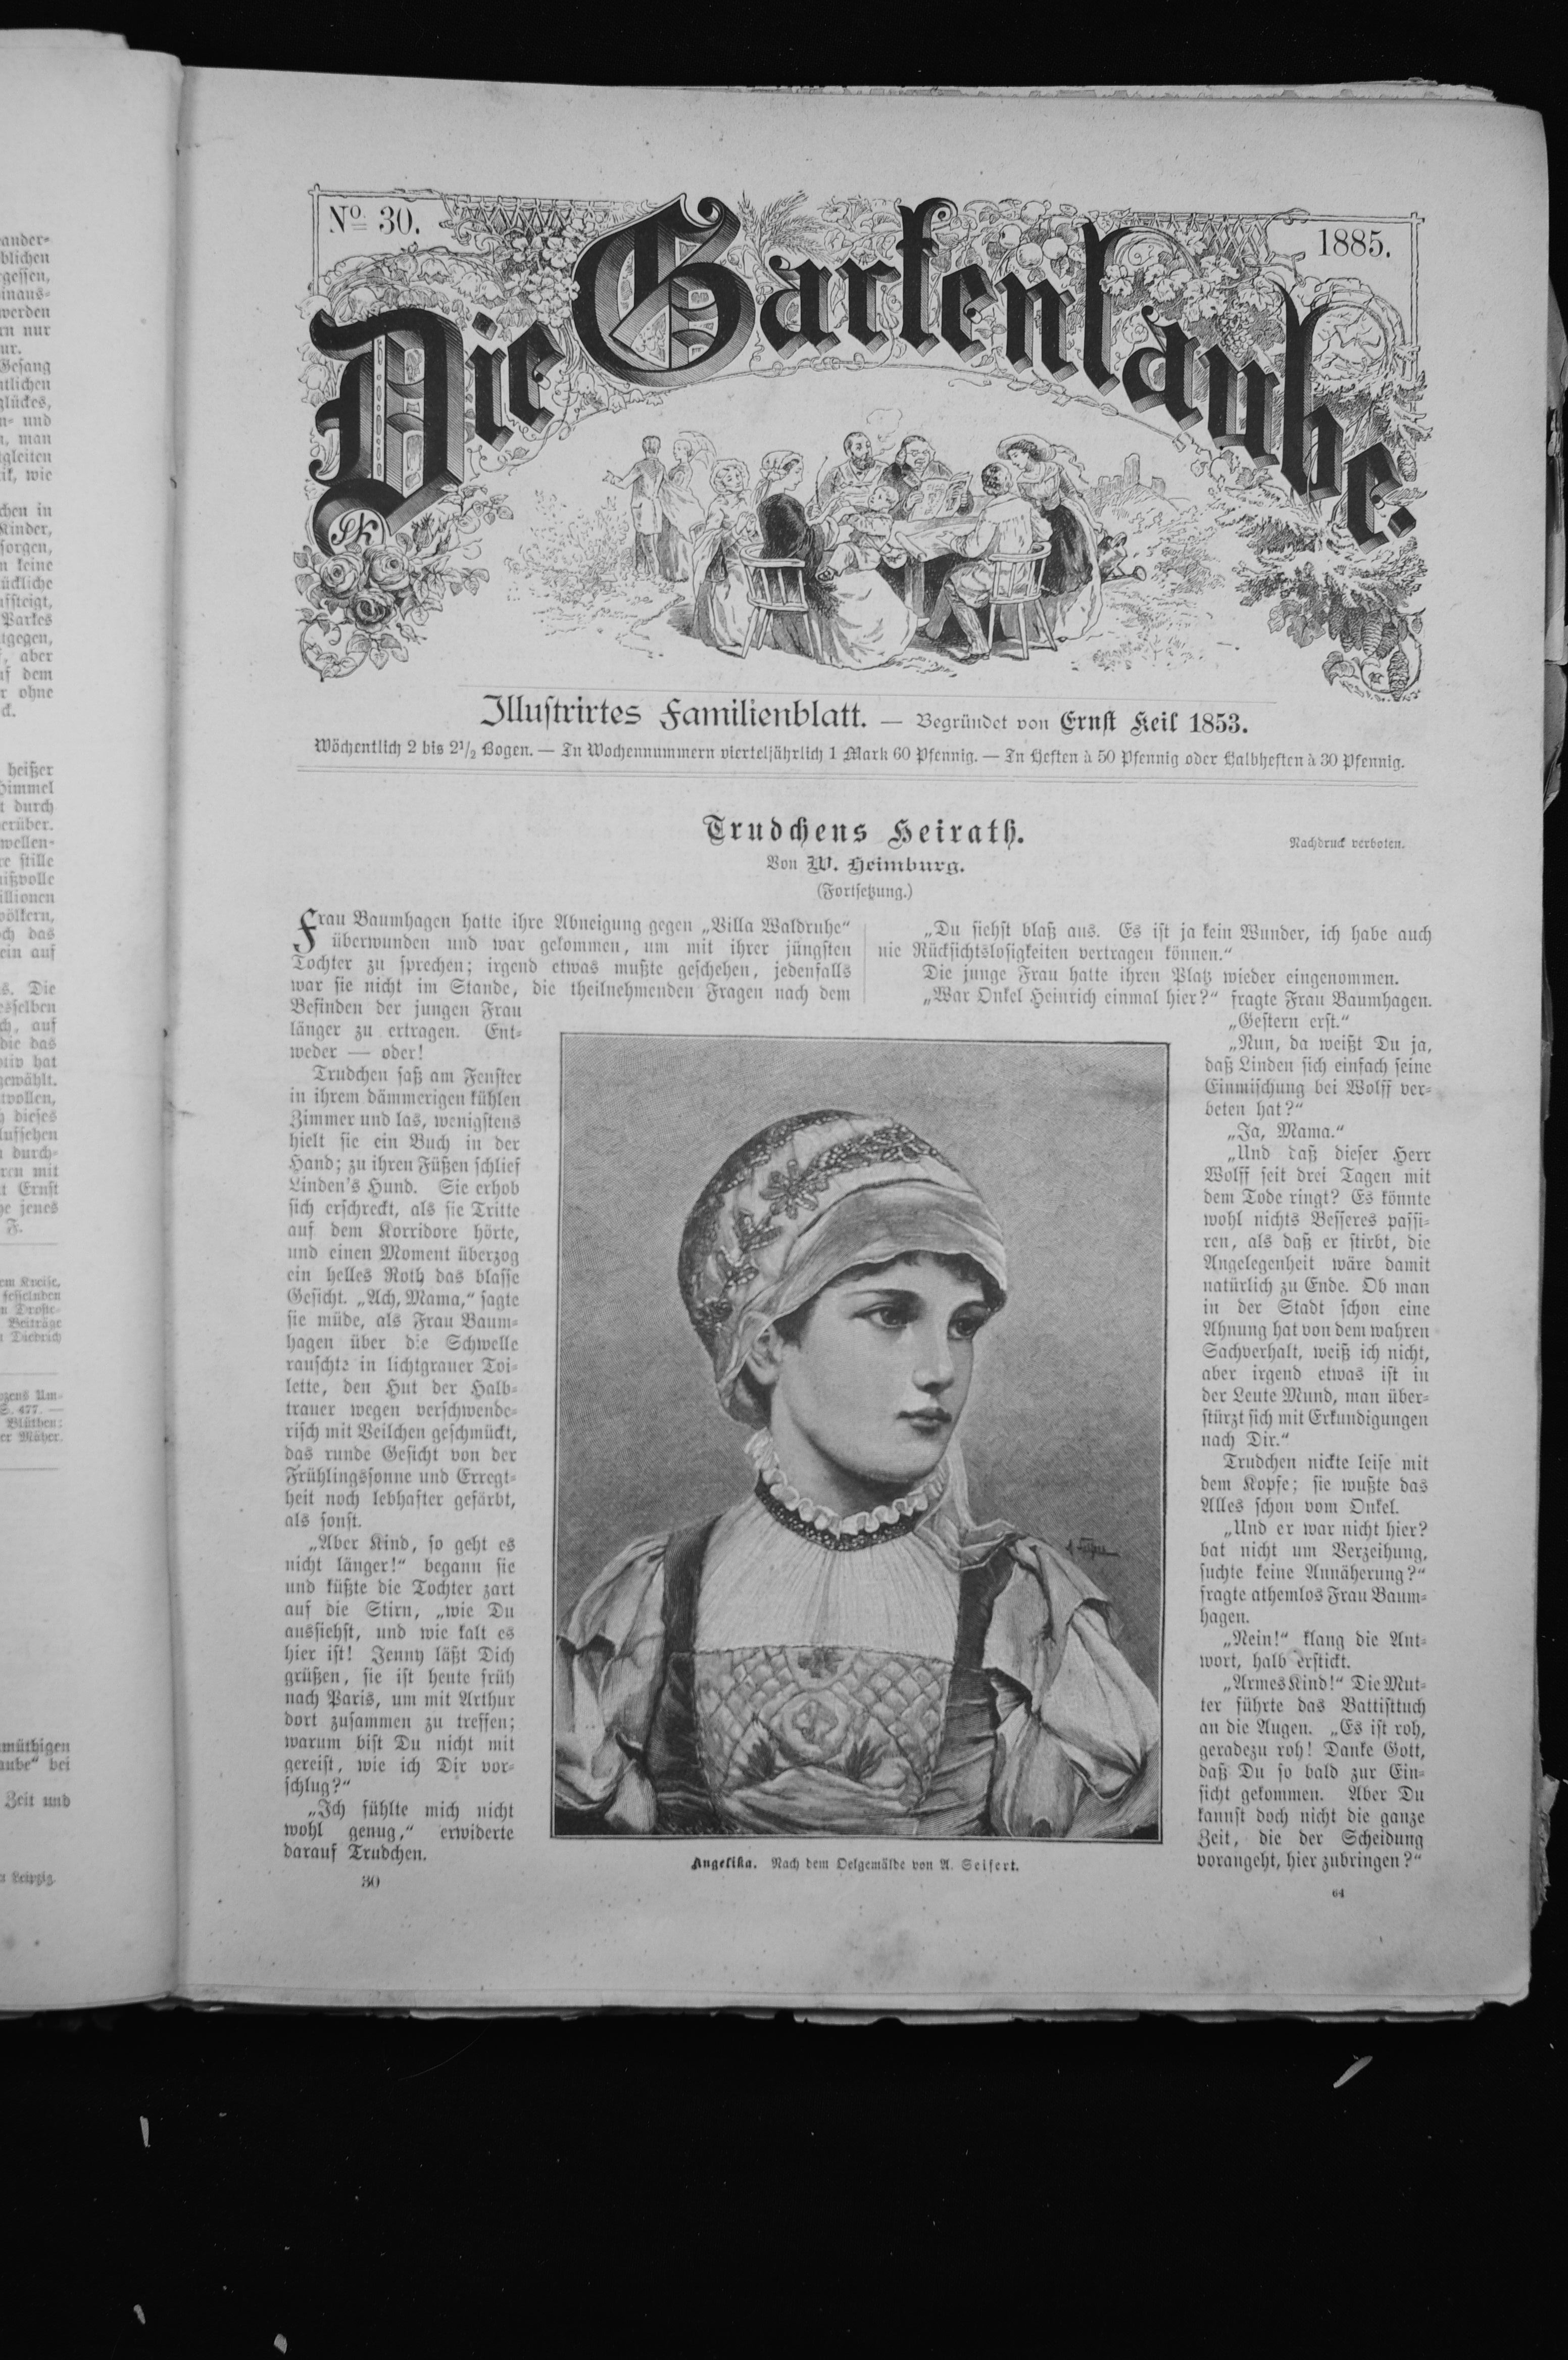No. 30. 1885.
Die Gartenlaube.

Illustrirtes Familienblatt. — Begründet von Ernst Keil 1853.

Wöchentlich 2 bis 2½ Bogen. – In Wochennummern vierteljährlich 1 Mark 60 Pfennig. – In Heften à 50 Pfennig oder Halbheften à 30 Pfennig.

Trudchens Heirath.
Von W. Heimburg.
(Fortsetzung.)

Frau Baumhagen hatte ihre Abneigung gegen „Villa Waldruhe“ überwunden und war gekommen, um mit ihrer jüngsten Tochter zu sprechen; irgend etwas mußte geschehen, jedenfalls war sie nicht im Stande, die theilnehmenden Fragen nach dem Befinden der jungen Frau länger zu ertragen. Entweder – oder!

Trudchen saß am Fenster in ihrem dämmerigen kühlen Zimmer und las, wenigstens hielt sie ein Buch in der Hand; zu ihren Füßen schlief Linden’s Hund. Sie erhob sich erschreckt, als sie Tritte auf dem Korridore hörte, und einen Moment überzog ein helles Roth das blasse Gesicht. „Ach, Mama,“ sagte sie müde, als Frau Baumhagen über die Schwelle rauschte in lichtgrauer Toilette, den Hut der Halbtrauer wegen verschwenderisch mit Veilchen geschmückt, das runde Gesicht von der Frühlingssonne und Erregtheit noch lebhafter gefärbt, als sonst.

„Aber Kind, so geht es nicht länger!“ begann sie und küßte die Tochter zart auf die Stirn, „wie Du aussiehst, und wie kalt es hier ist! Jenny läßt Dich grüßen, sie ist heute früh nach Paris, um mit Arthur dort zusammen zu treffen; warum bist Du nicht mit gereist, wie ich Dir vorschlug?“

„Ich fühlte mich nicht wohl genug,“ erwiderte darauf Trudchen.

„Du siehst blaß aus. Es ist ja kein Wunder, ich habe auch nie Rücksichtslosigkeiten vertragen können.“

Die junge Frau hatte ihren Platz wieder eingenommen.

„War Onkel Heinrich einmal hier?“ fragte Frau Baumhagen.

„Gestern erst.“

„Nun, da weißt Du ja, daß Linden sich einfach seine Einmischung bei Wolff verbeten hat?“

„Ja, Mama.“

„Und daß dieser Herr Wolff seit drei Tagen mit dem Tode ringt? Es könnte wohl nichts Besseres passiren, als daß er stirbt, die Angelegenheit wäre damit natürlich zu Ende. Ob man in der Stadt schon eine Ahnung hat von dem wahren Sachverhalt, weiß ich nicht, aber irgend etwas ist in der Leute Mund, man überstürzt sich mit Erkundigungen nach Dir.“

Trudchen nickte leise mit dem Kopfe; sie wußte das Alles schon vom Onkel.

„Und er war nicht hier? bat nicht um Verzeihung, suchte keine Annäherung?“ fragte athemlos Frau Baumhagen.

„Nein!“ klang die Antwort, halb erstickt.

„Armes Kind!“ Die Mutter führte das Battisttuch an die Augen. „Es ist roh, geradezu roh! Danke Gott, daß Du so bald zur Einsicht gekommen. Aber Du kannst doch nicht die ganze Zeit, die der Scheidung vorangeht, hier zubringen?“

Angelika. Nach dem Oelgemälde von A. Seifert.
